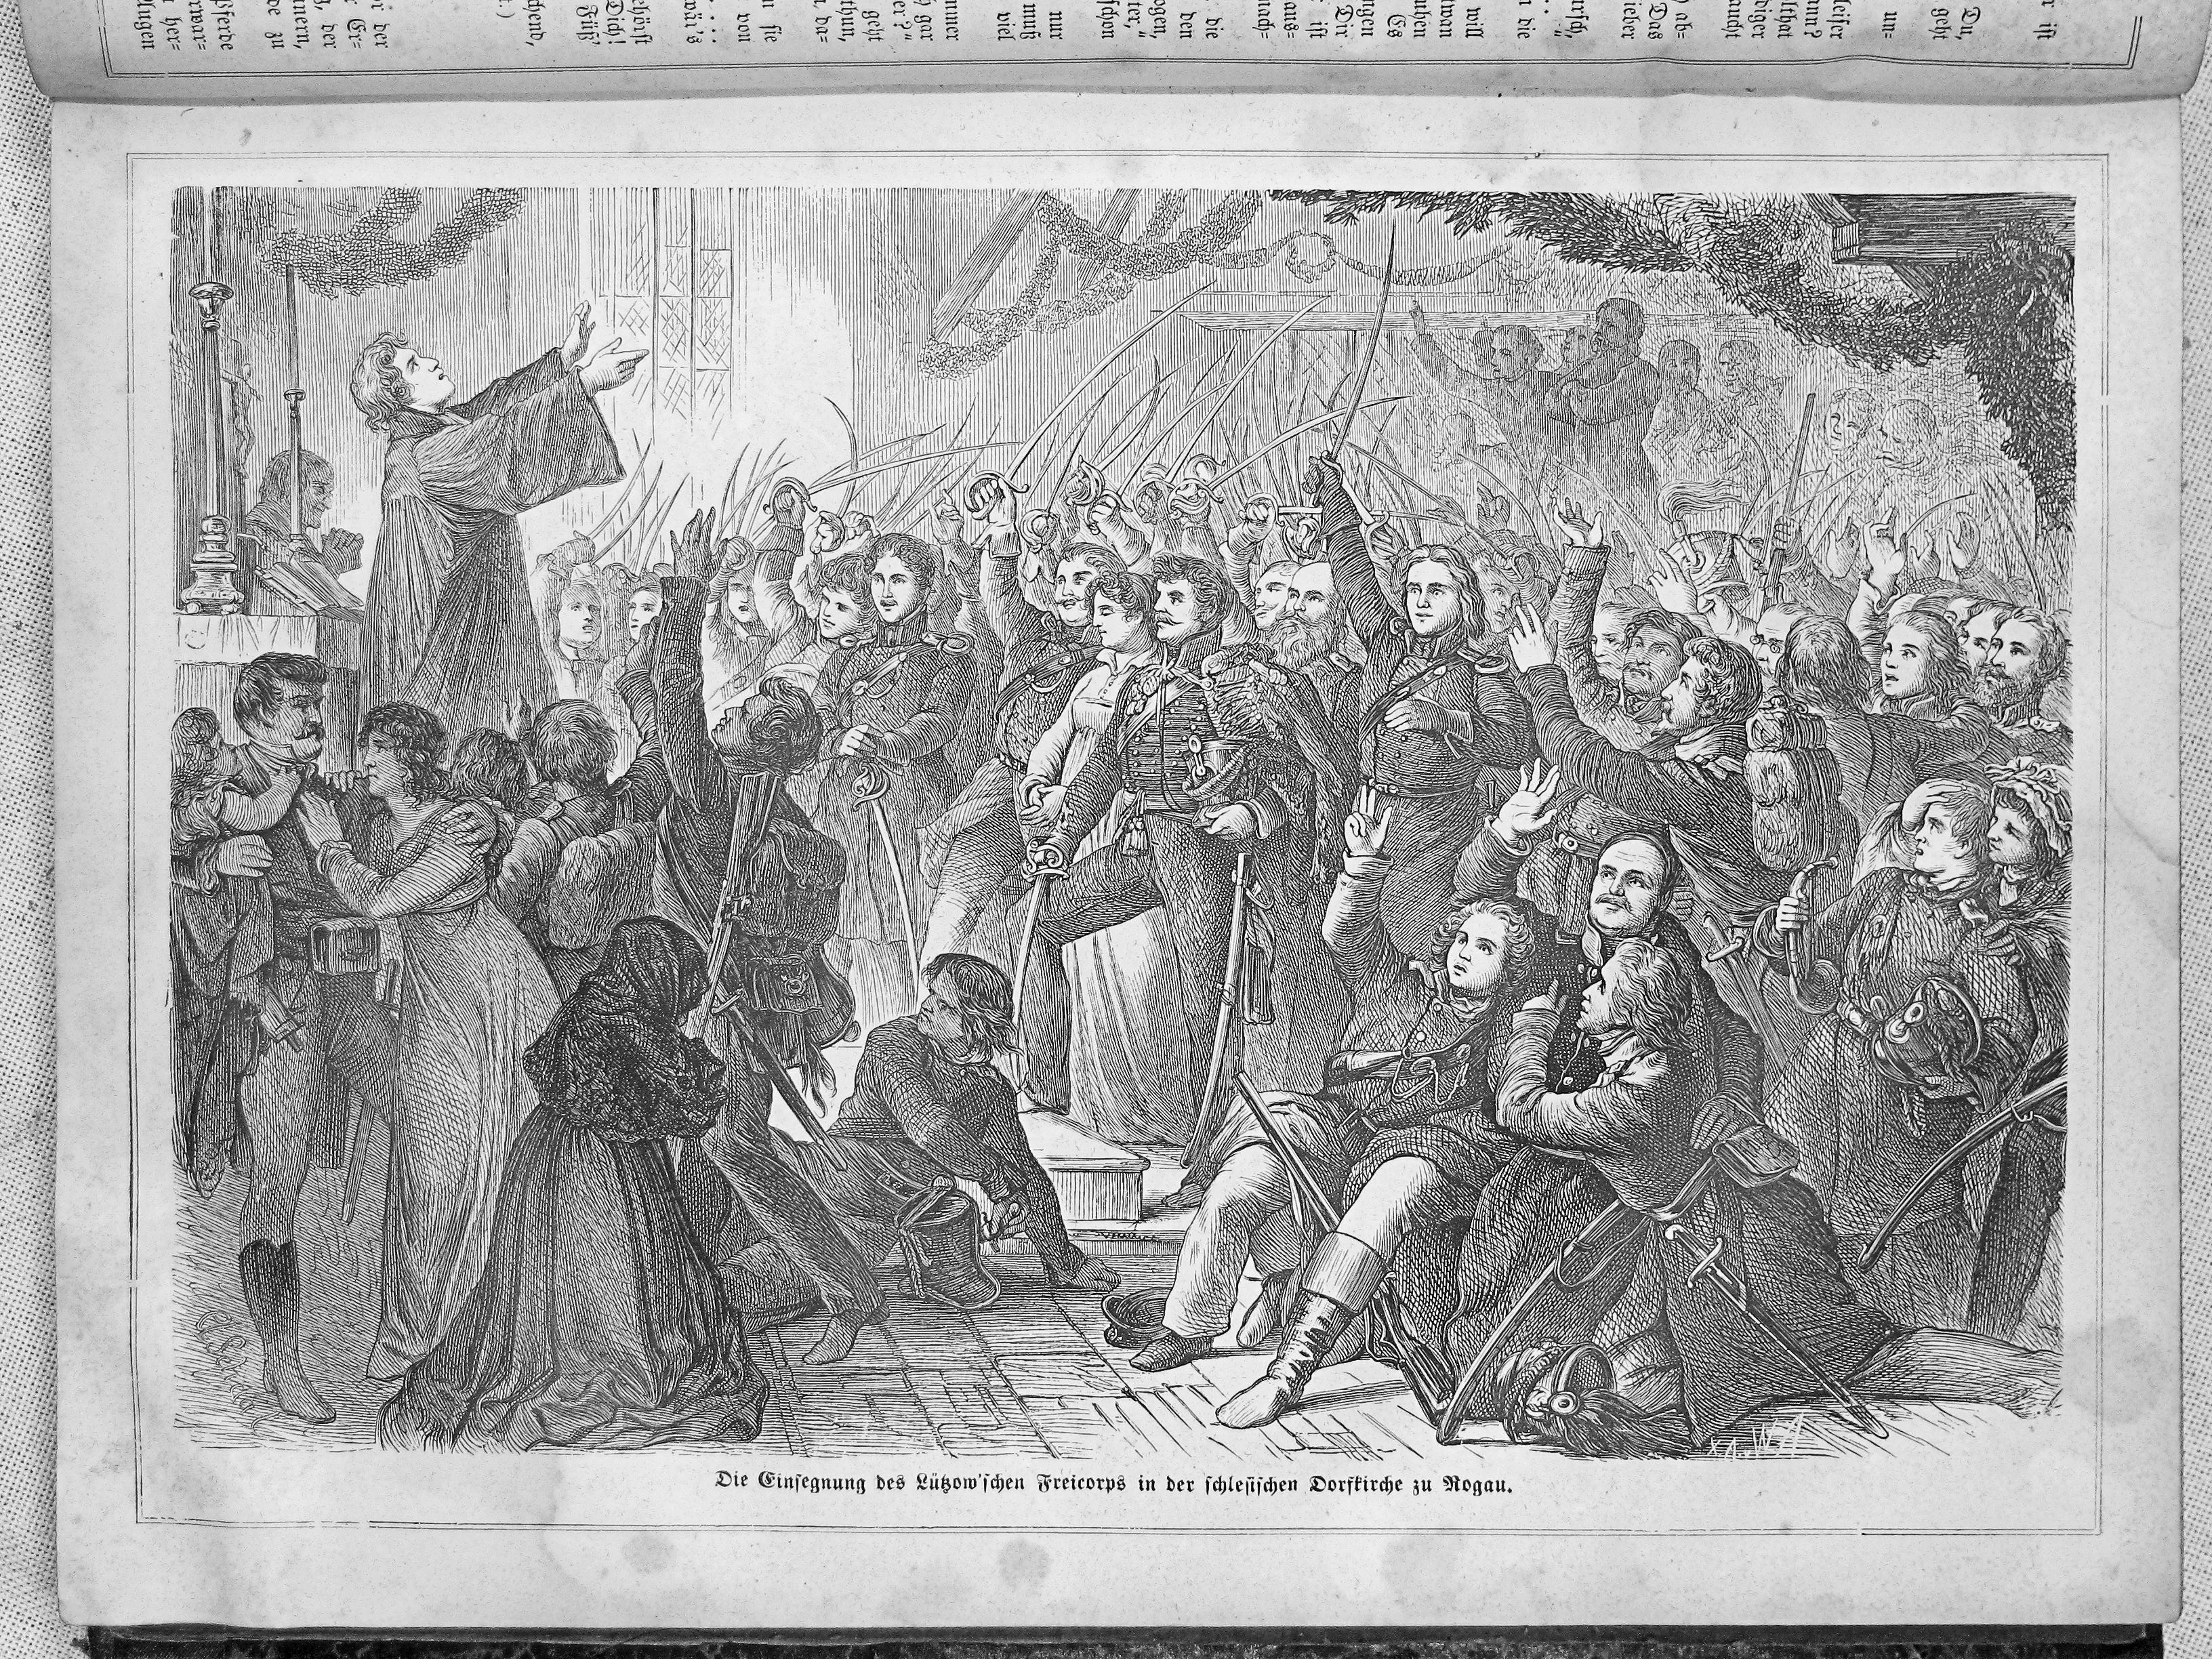Die Einsegnung der Lützow’schen Freicorps in der schlesischen Dorfkirche zu Rogau.
